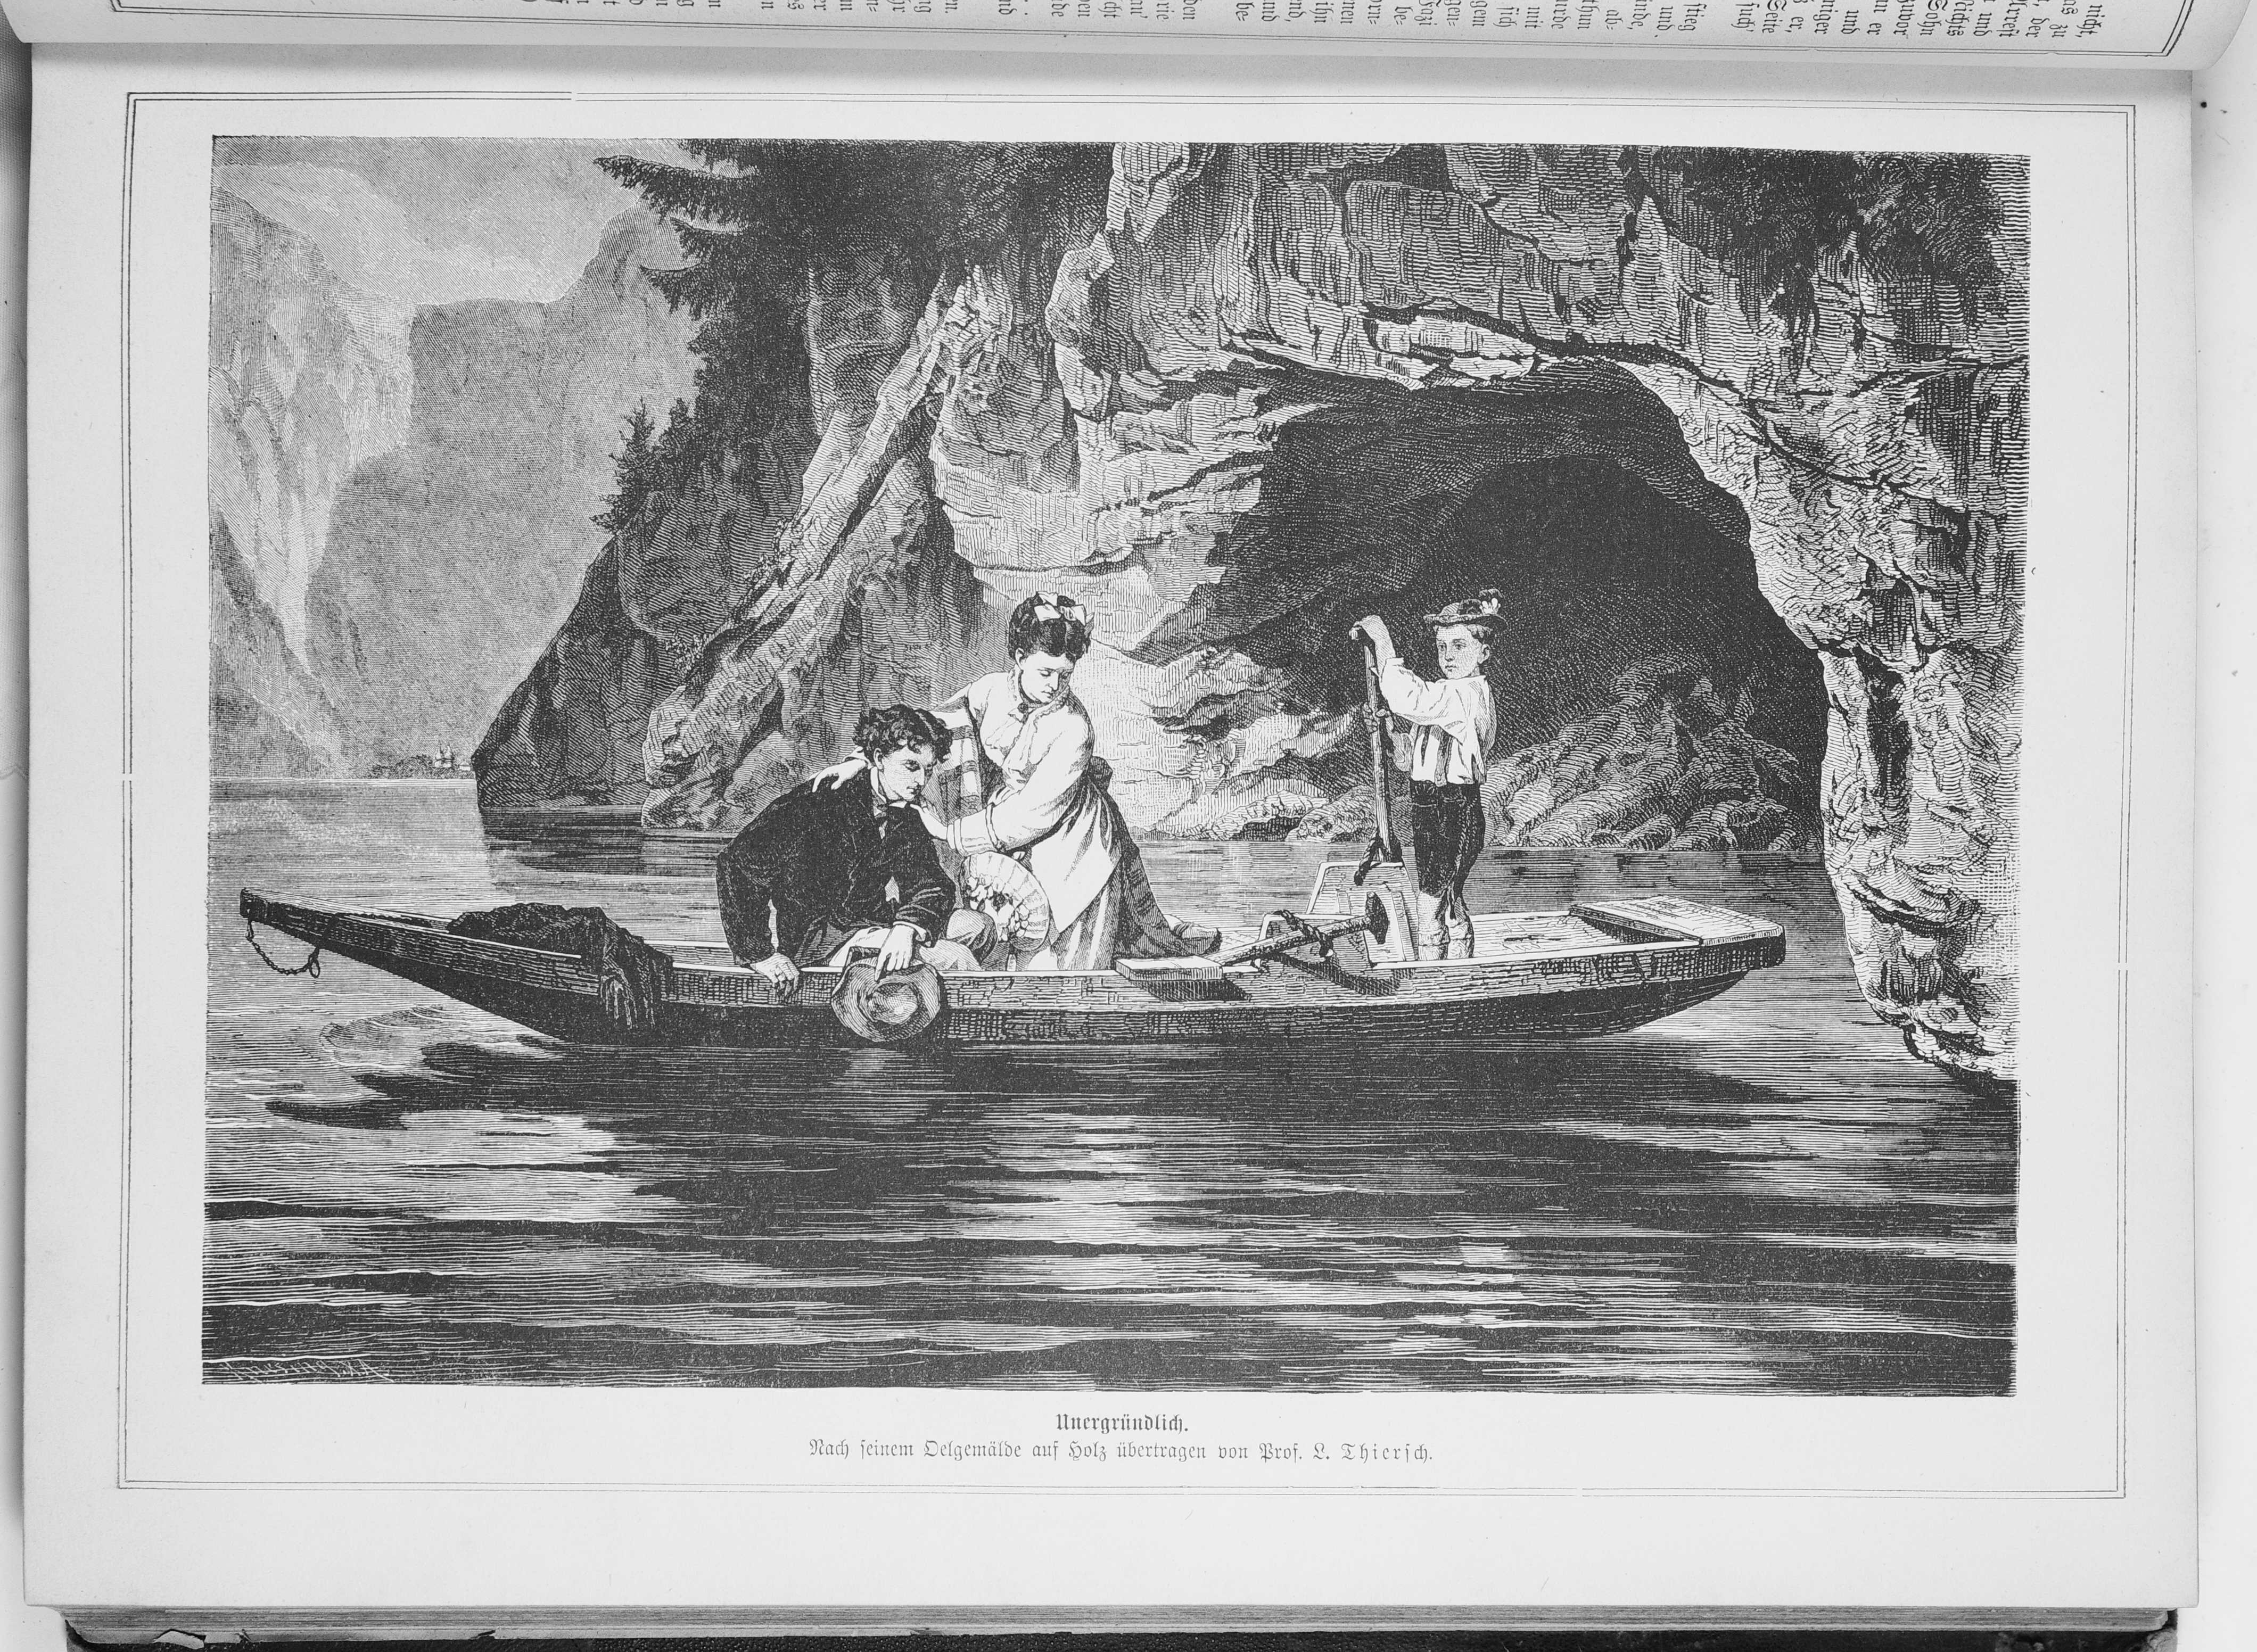Unergründlich.
Nach seinem Oelgemälde auf Holz übertragen von Prof. L. Thiersch.
